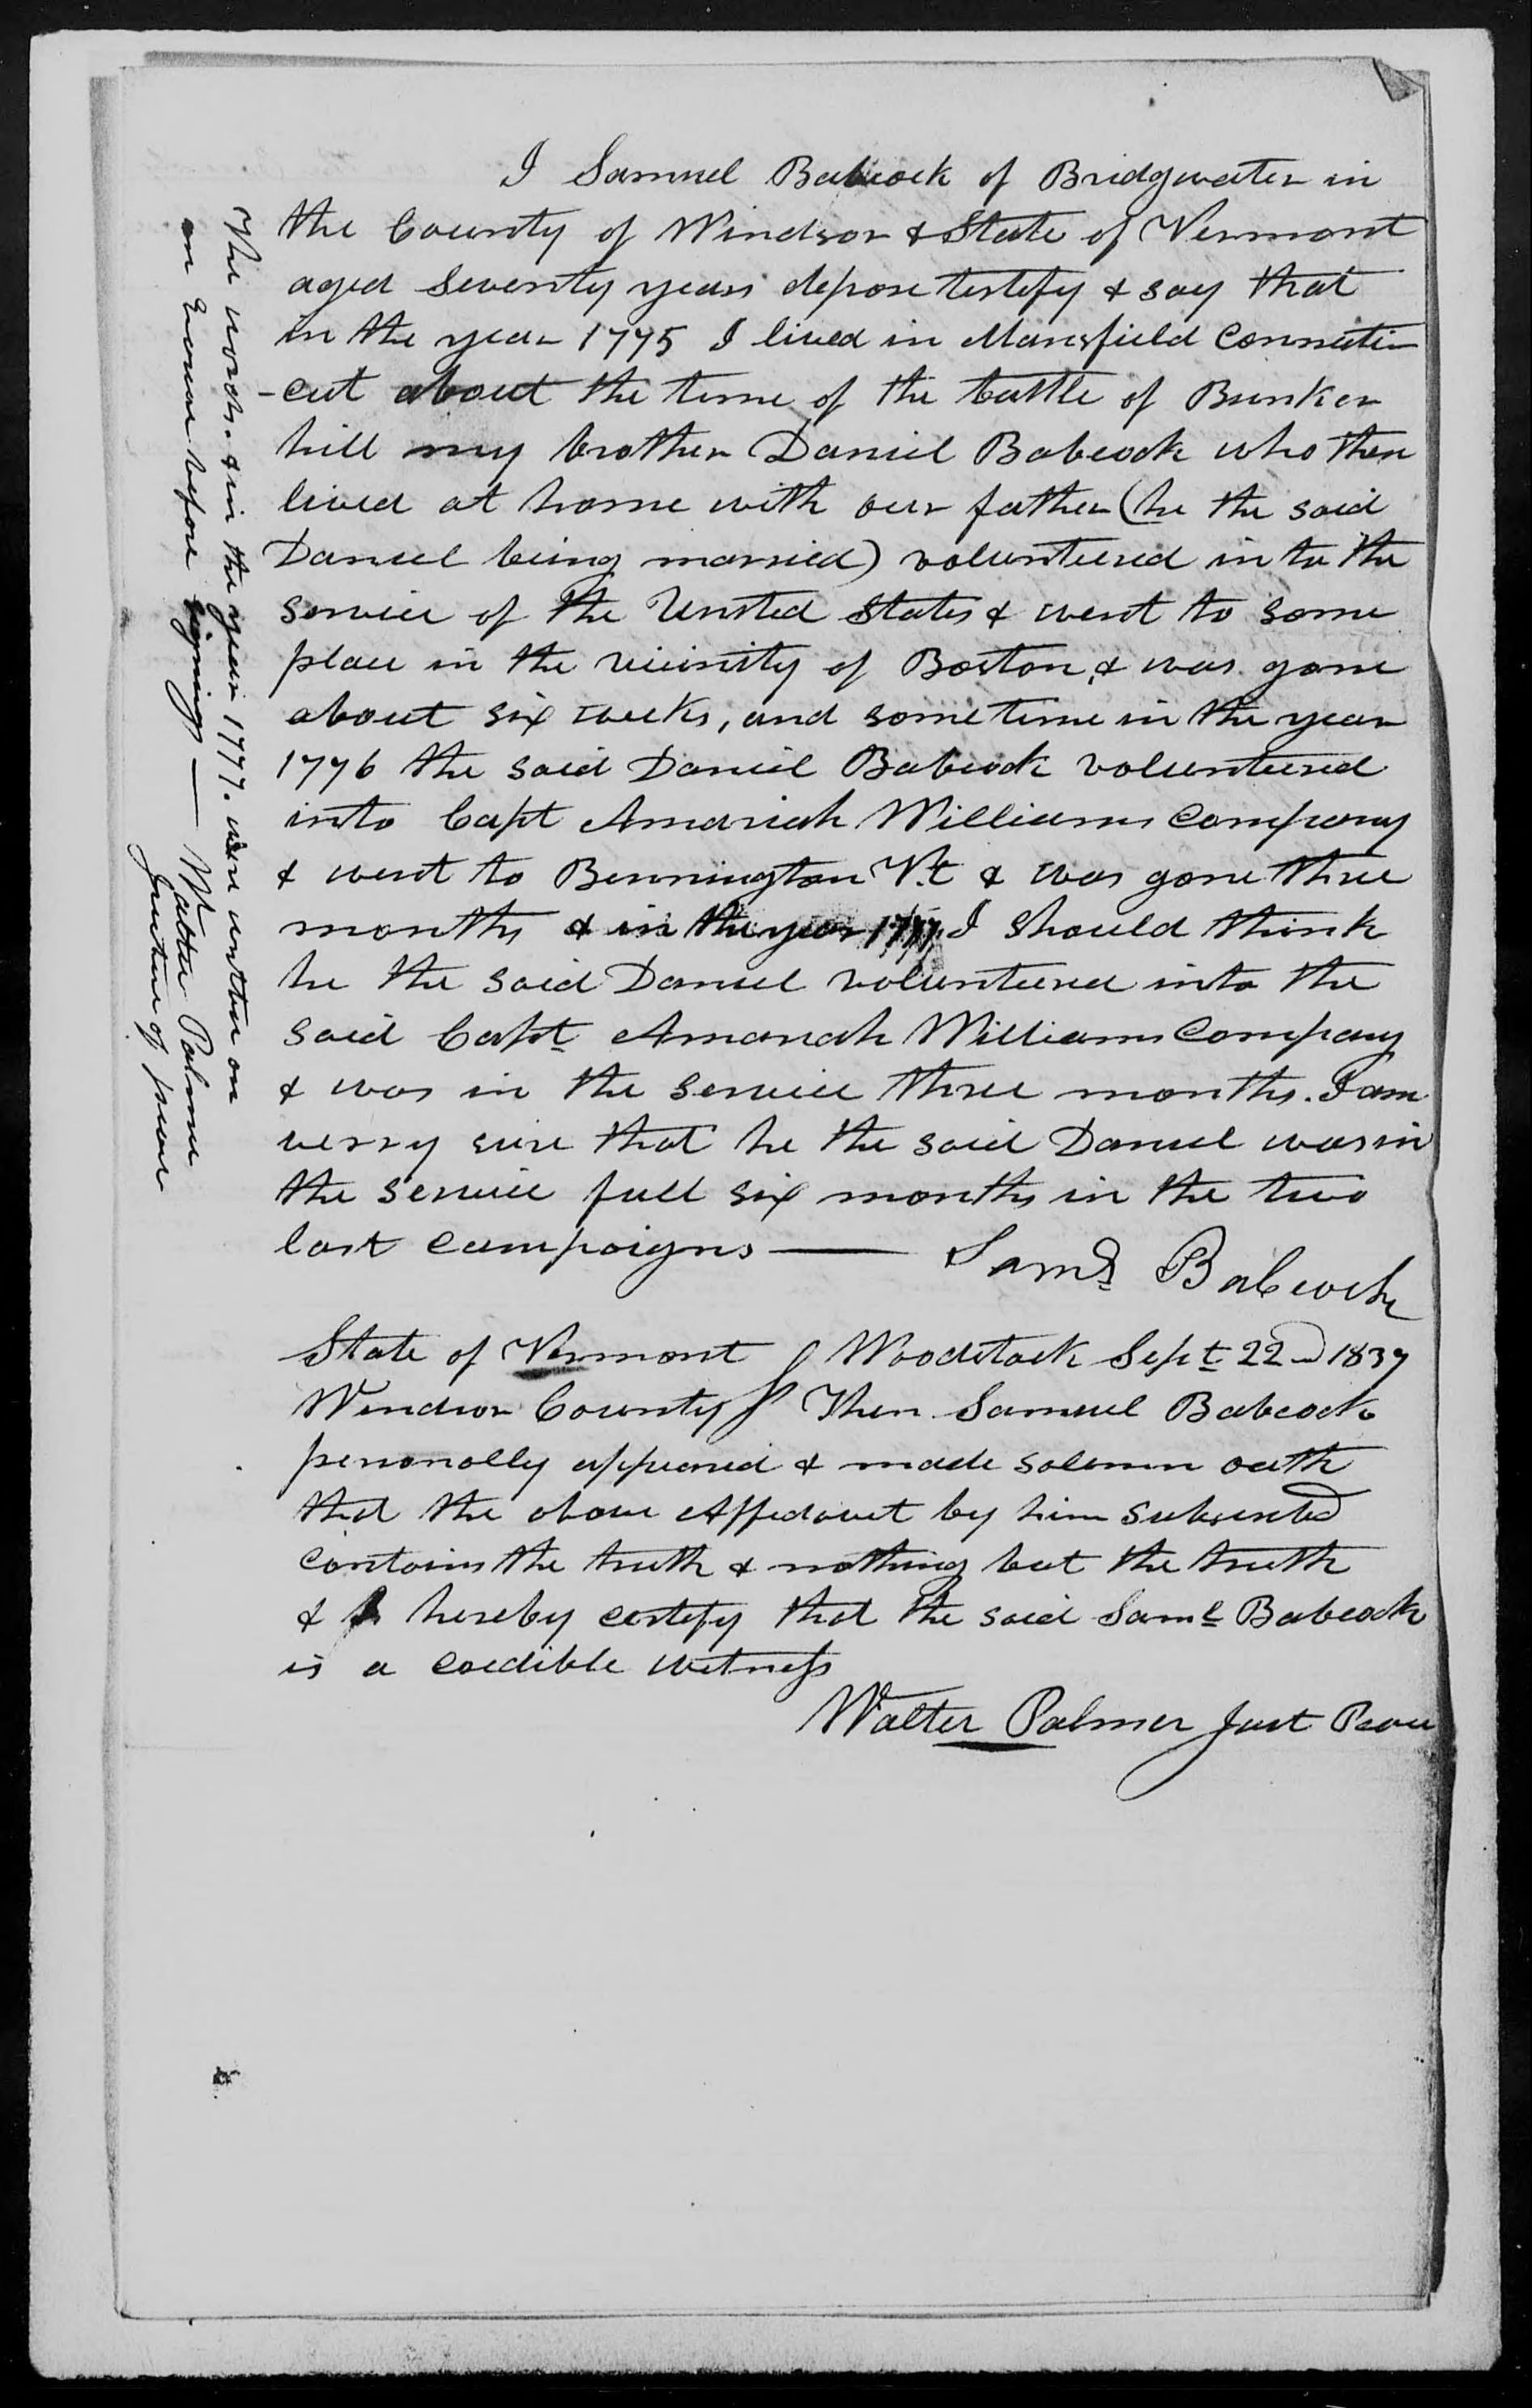I Samuel Babcock of Bridgewater in the County of Windsor & State of Vermont aged seventy years depose testify & say that in the year 1775 I lived in Mansfield Connecticut about the time of the battle of Bunker hill my brother Daniel Babcock who then lived at home with our father (he the said Daniel being married) volunteered in to the service of the United States & went to some place in the vicinity of Boston, & was gone about six weeks, and some time in the year 1776 the said Daniel Babcock volunteered into Capt Amariah Williams Company & went to Bennington Vt. & was gone three months & in the year I should think he the said Daniel volunteered into the said Capt Amanah Williams Company & was in the service three months.  I am very sure that he the said Daniel was in the service full six months in the two last campaigns.  
Saml Babcock 
State of Vermont 
Windsor County ss Woodstock Sept 22 1837  Then Samuel Babcock personally appeared & made solemn oath that the above Affidavit by him subscribed contains the truth & nothing but the truth & I hereby certify that the said Saml Babcock is a credible witness.   
Walter Palmer Just Peace
The words & in the year 1777 were written on record before signing Walter Palmer Justice Peace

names: Walter Palmer, Daniel, Daniel Babcock, Samuel Babcock, Samuel Babcock, Saml Babcock, Daniel Babcock, Saml Babcock, Daniel, Daniel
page: 2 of 10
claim: rejected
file: R. 345, Daniel Babcock, Conn.